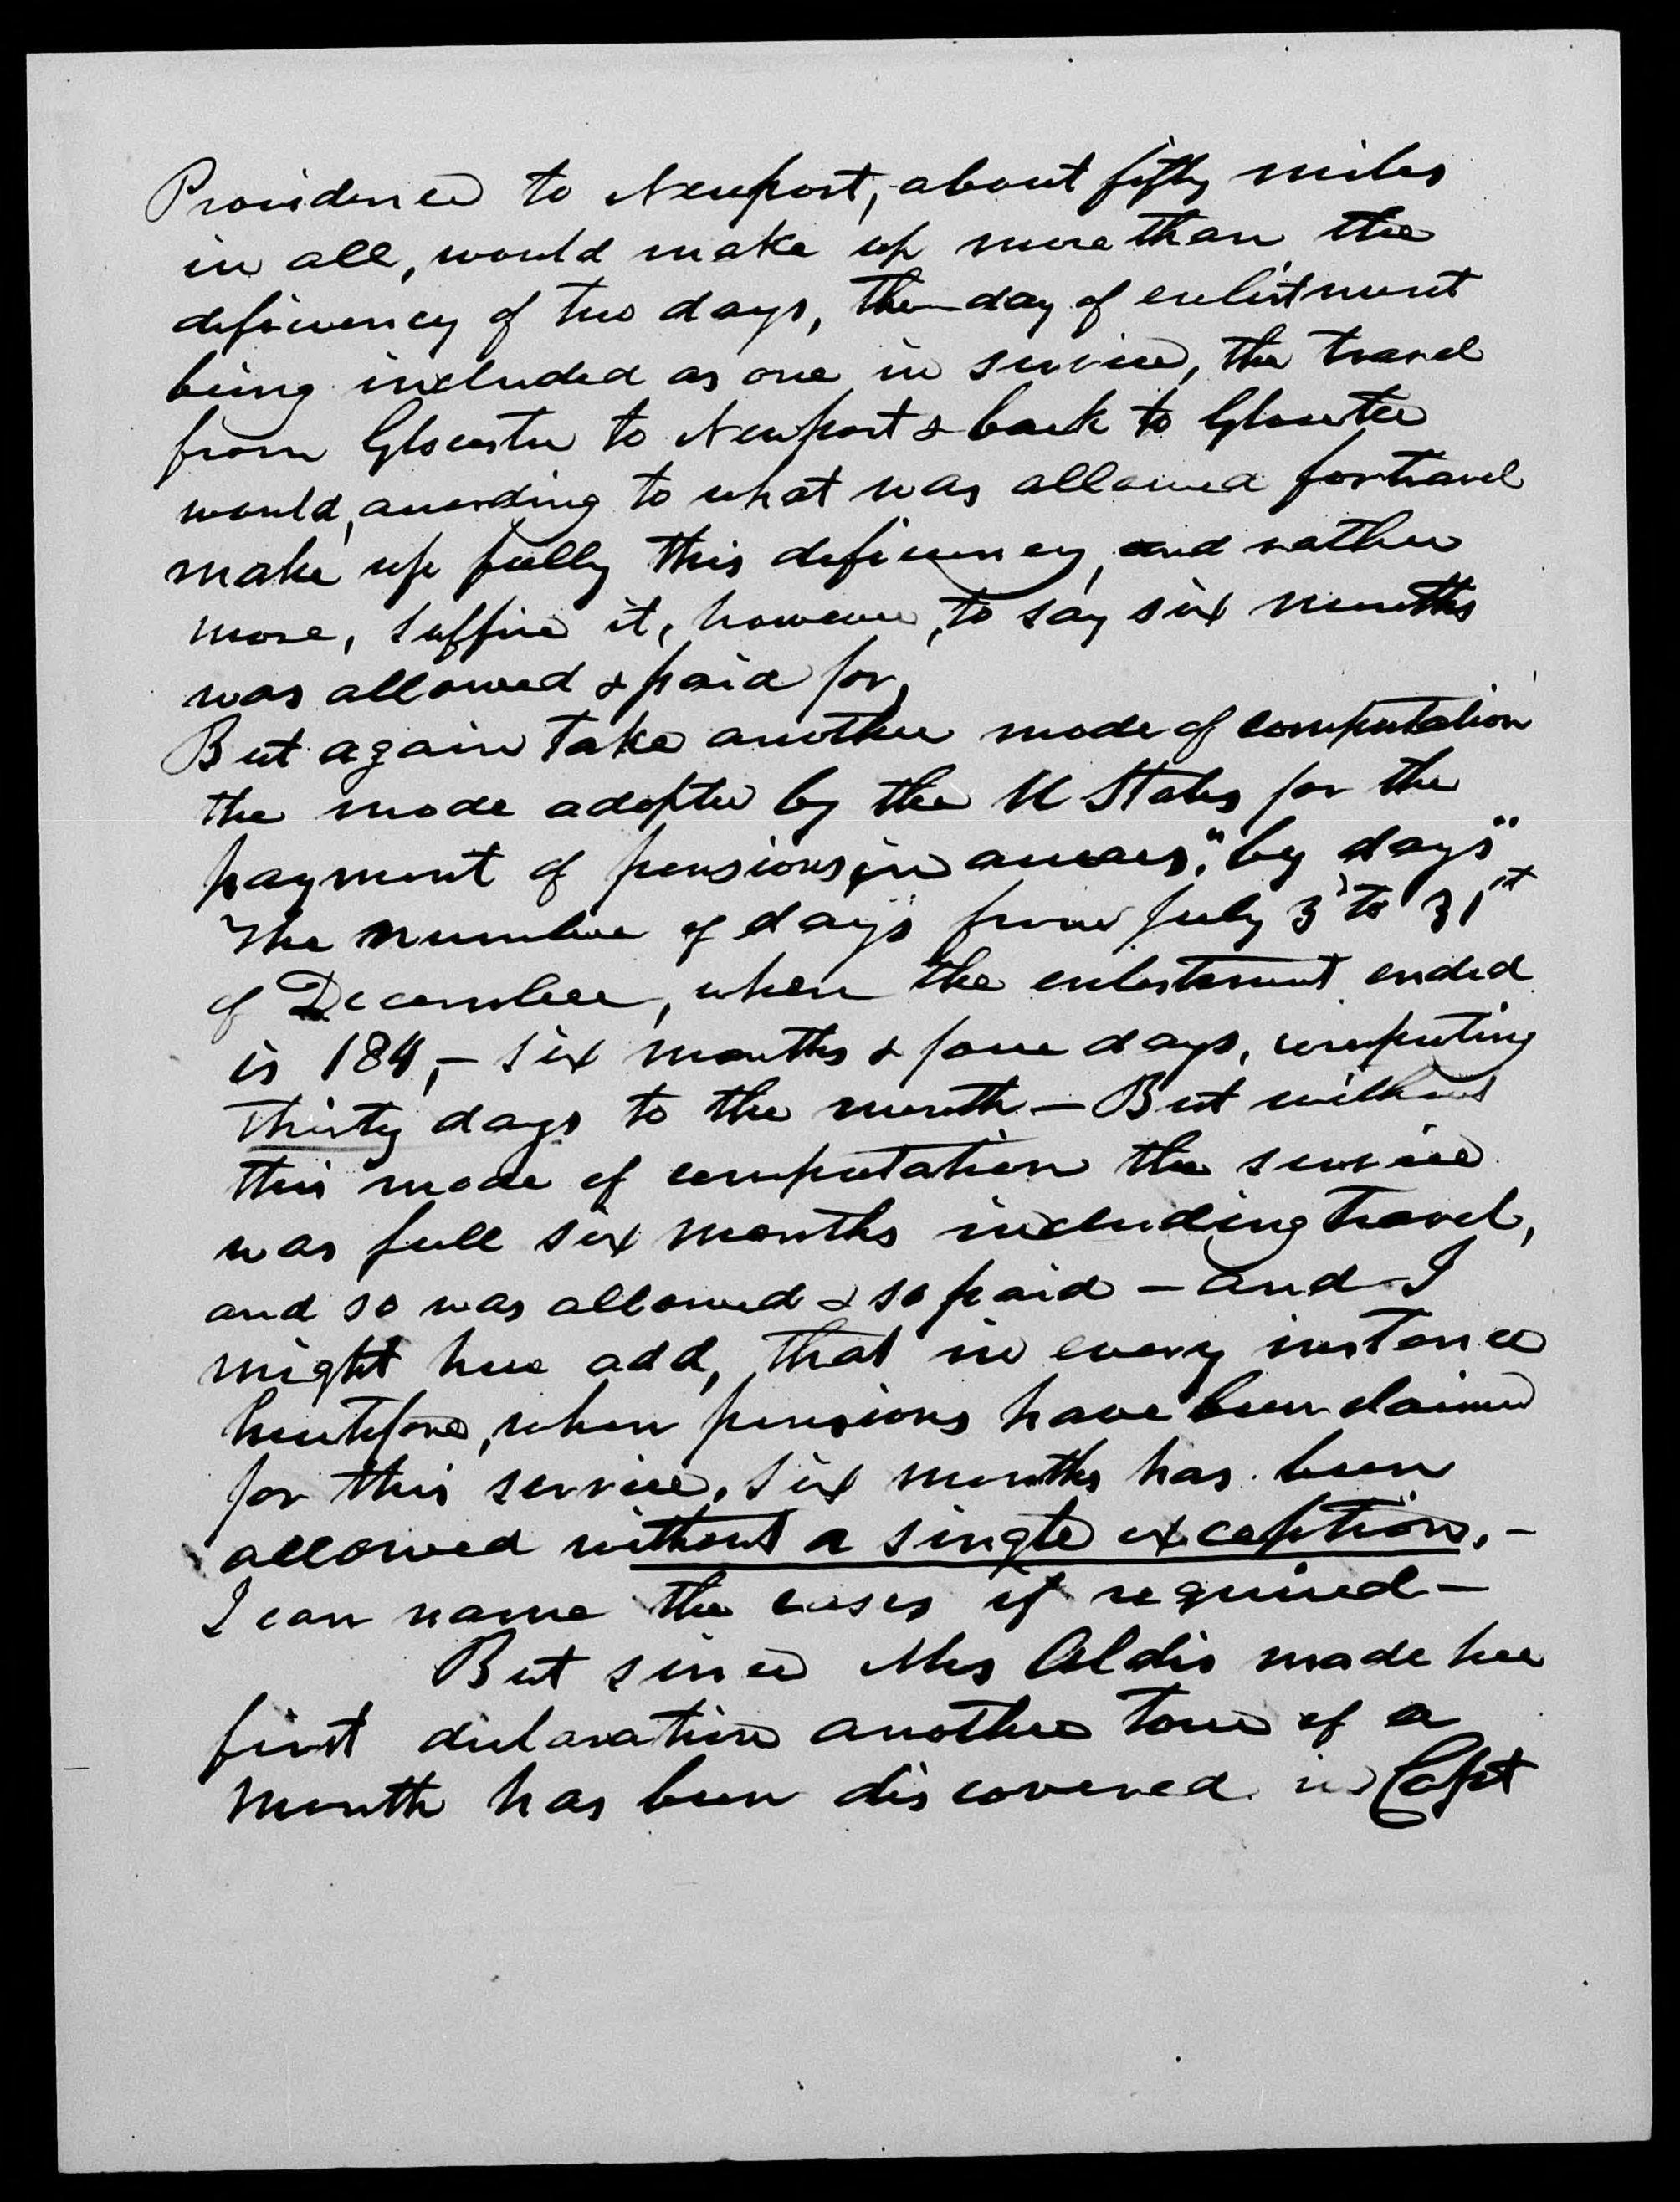Providence to Newport, about fifty miles in all, would make up more than the deficiency of two days. The day of enlistment being included as one in service, the trend from Glocester to Newport & back to Glocester would, according to what was allowed for travel make up fully this deficiency and rather more, suffice it, however, to say six months was allow & paid for. But again take another mode of computation the mode adopted by the U States for the payment of pension arrears, "by days" the number of days from July 3d to 31st of December, when the enlistment ended is 184. Six monthe & four days, computing thirty days to the month. But without this mode of computation the service was fully six months including travel, and so was allowed & so paid. And I might here add, that in every instance heretofore, when pensions have been claimed for this service, six months has been allowed without a single exception. I can name the cases it required. But since Mrs Aldis made her first declaration another tour of a month has been discovered in Capt.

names: Aldis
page: 34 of 76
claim: widow's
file: W. 15,517, William Gadcomb, R.I.